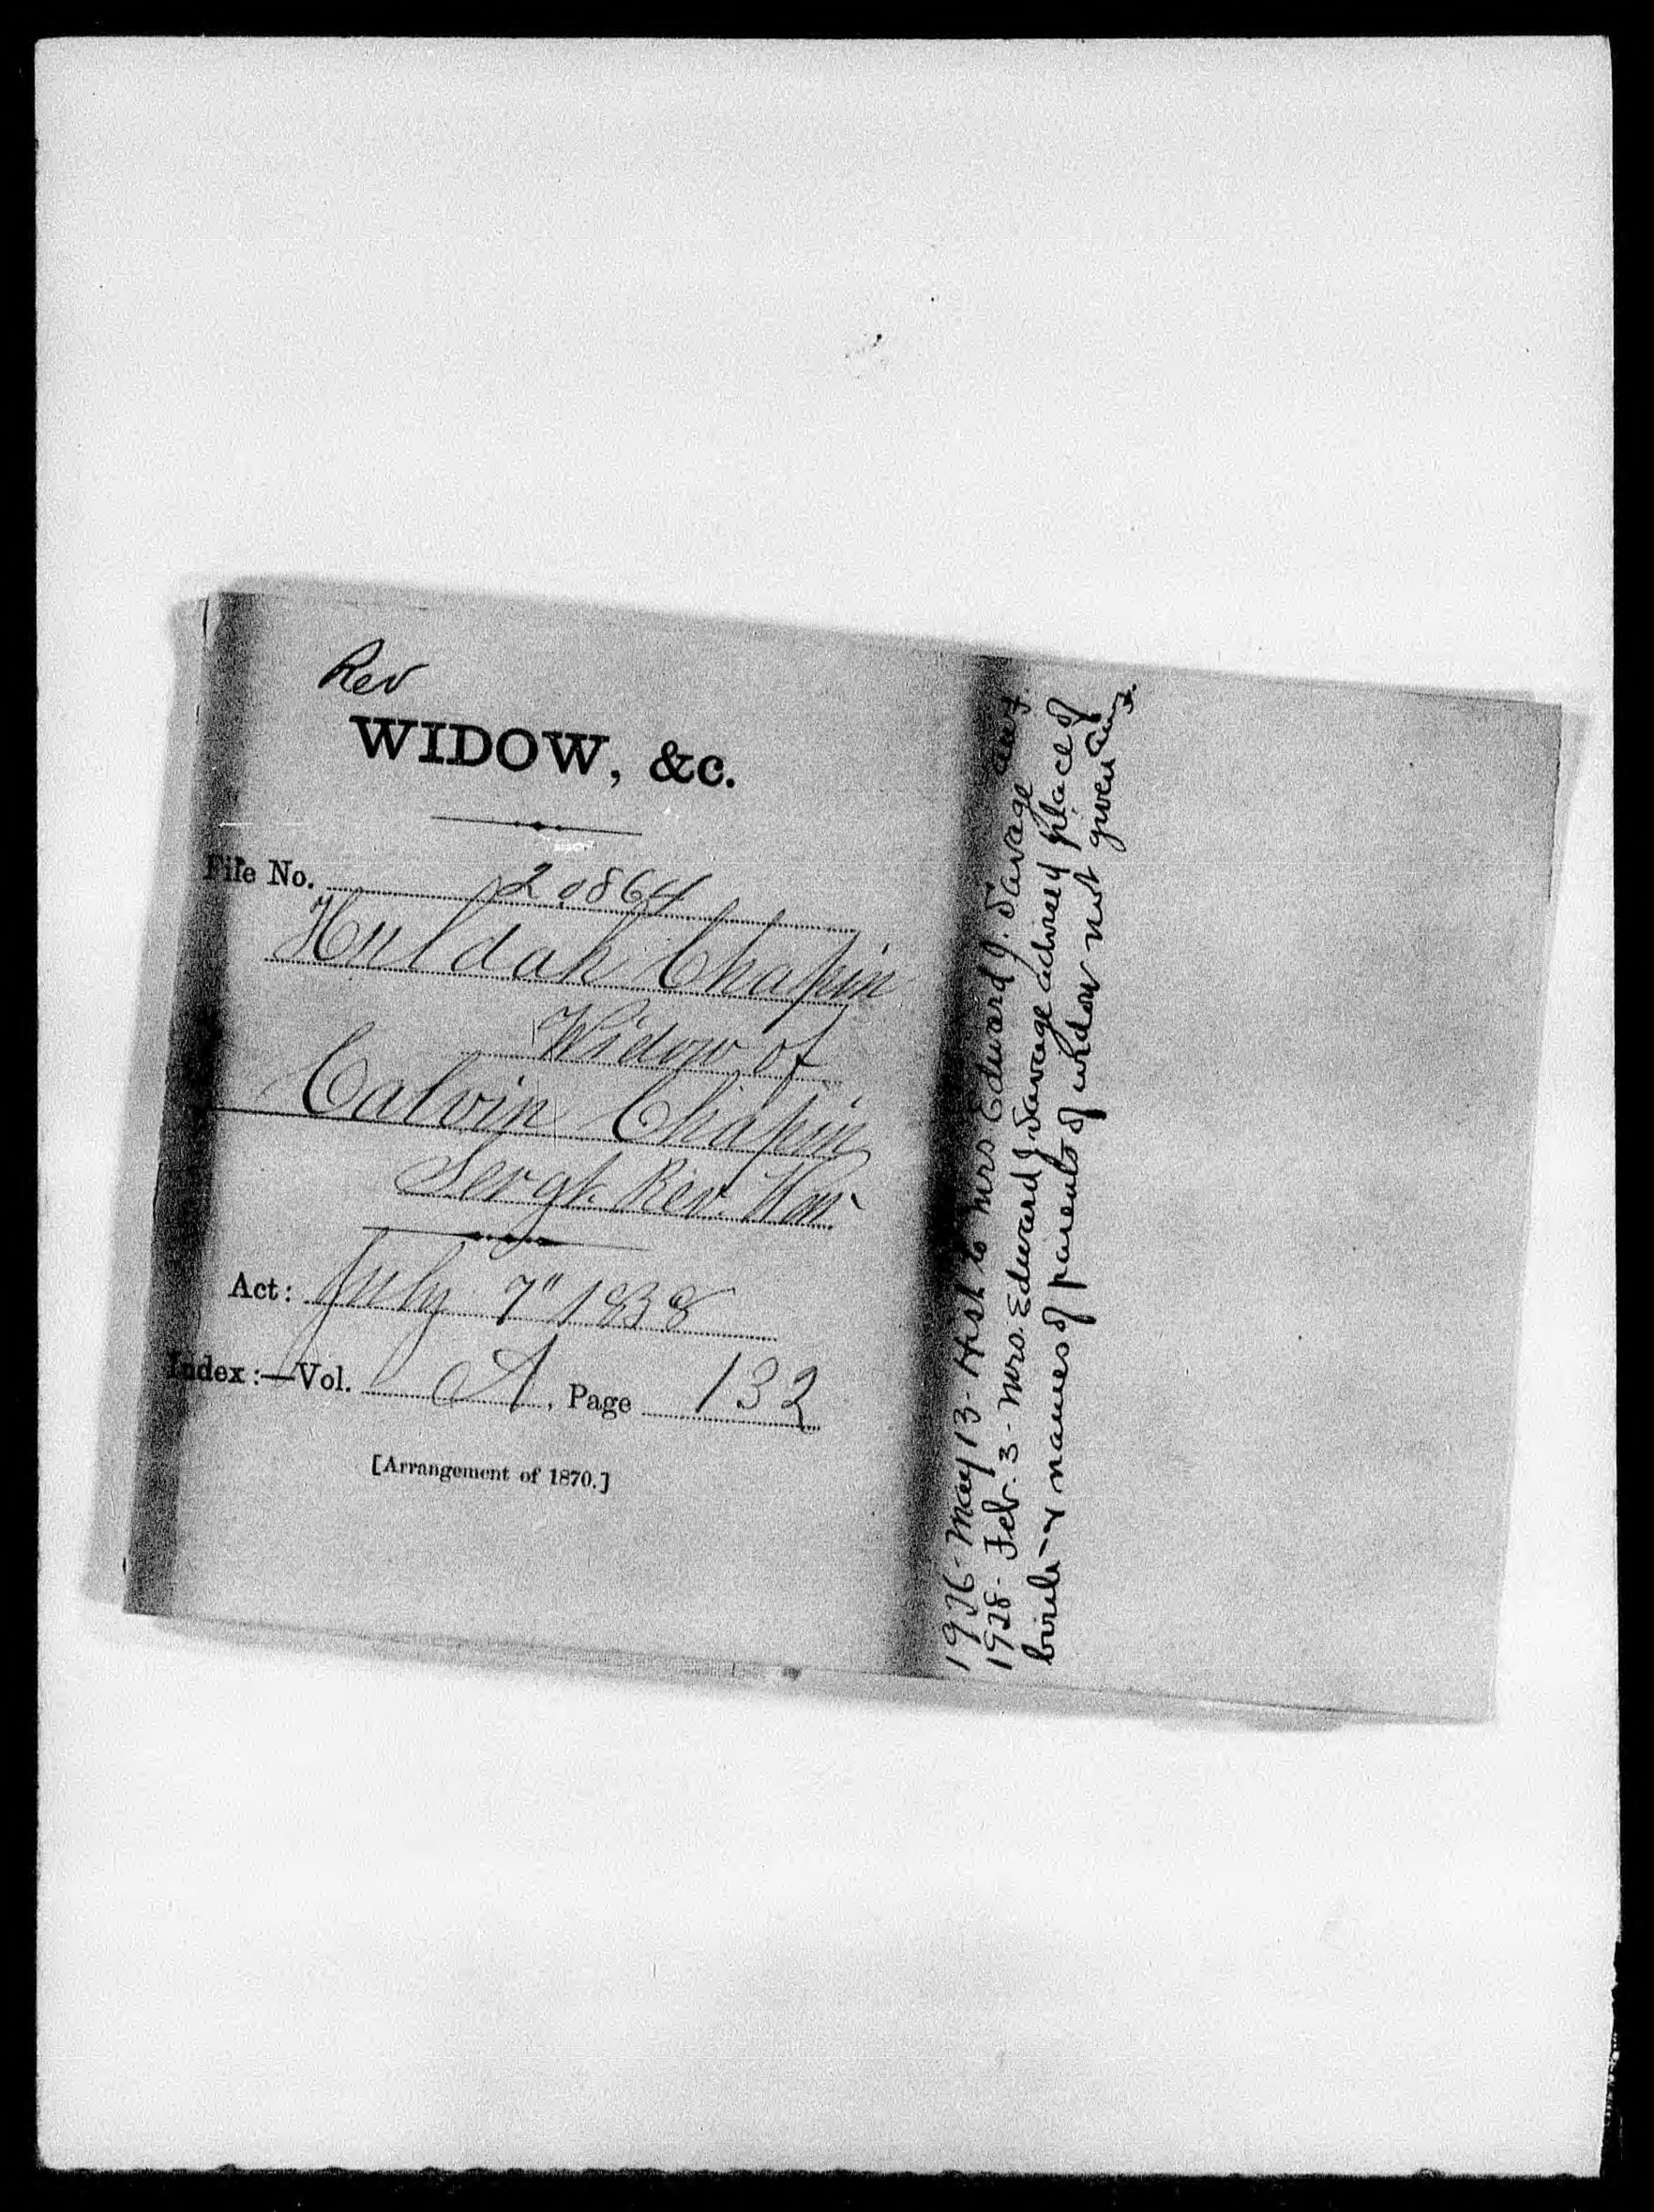[left side of page]

Rev WIDOW, &c.
File No. 20864

Huldah Chapin
Widow of Calvin Chapin
Sergt. Rev. War.\\Act:  July 7" 1838

Index:- Vol. A, Page 132
[Arrangement of 1870.]

[right side of page]

[handwritten vertically]
1926- May 13 - Hist to Mrs. Edward Savage  awf
1928 - Feb 3 - Mrs. Edward J Savage [illegible]
of place of birth & names of parents of widow not given awf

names: Calvin Chapin, Edward J Savage, Huldah Chapin, Edward J Savage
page: 23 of 35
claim: widow's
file: W. 20,864, Calvin Chapin, Mass. Vt.